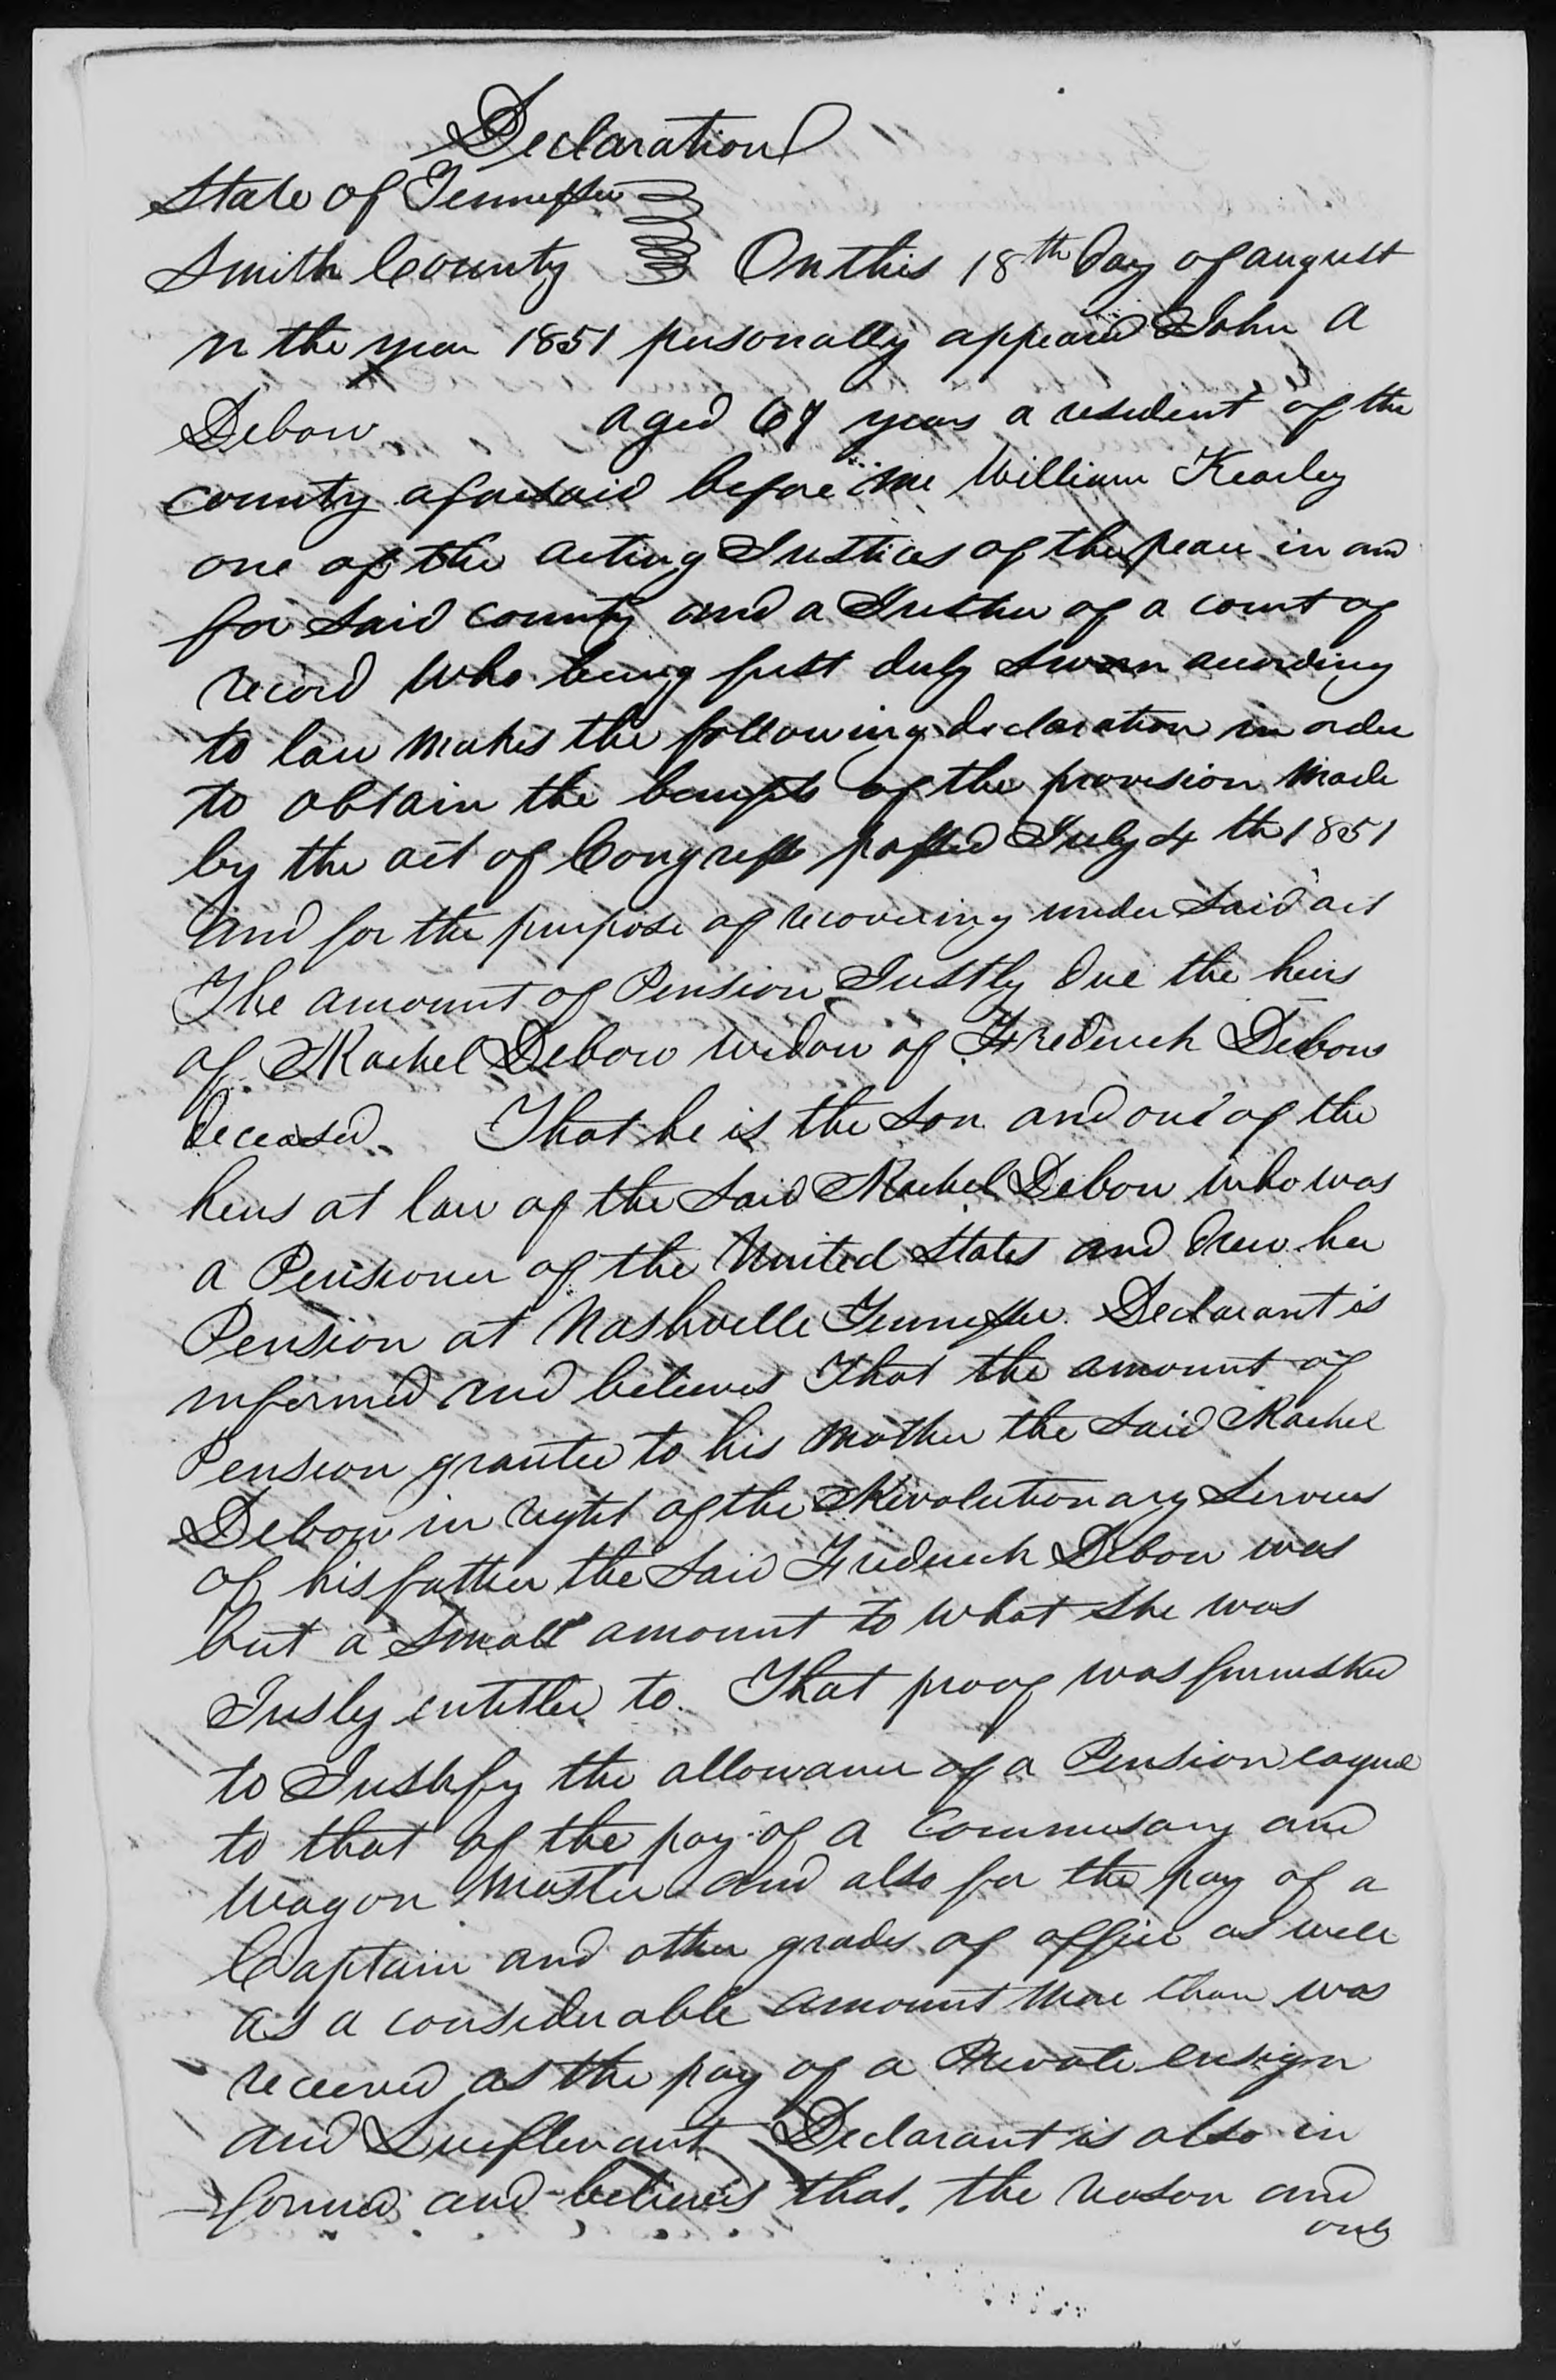Declaration
State of Tennessee}
Smith County}  On this 18th day of August in the year 1851 personally appeared John A Debow aged 67 years a resident of the county aforesaid before me William Kearly one of the acting Justices of the Peace in and for said county and a Justice of a Court of record who being first duly sworn according to law makes the following declaration in order to obtain the benefits of the provisions made by the act of Congress adapted July 4th 1851 and for the purpose of recovering under said act the amount of Pension justify due the heirs of Rachel Debow widow of Frederick Debow deceased. That he is the son and one of the heirs at law of the said Rachel Debow who was a pensioner of the United States and drew her pension at Nashville Tennessee. Declarant is informed and believed that the amount of pension grantee to this mother the said Rachel Debow in right of the Revolutionary Services of his father the said Frederick Debow was but a small amount to what she was [illegible]  [illegible]  To that proof was furnished to justify the allowance of a Pension [illegible]
 To that of the pay of a Commissary and Wagon Master Head also for the pay of a Captain and other grades of office as well as a considerable amount more than was received as the pay of a Private ensign and [illegible] declarant is also in formed and  [illegible]
 That the reason and [illegible]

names: Rachel Debow, Frederick Debow, Frederick Debow, Rachel Debow, William Kearley, Rachel Debow, John A Debow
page: 15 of 62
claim: widow's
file: W 7005, Frederick Debow, N.C.